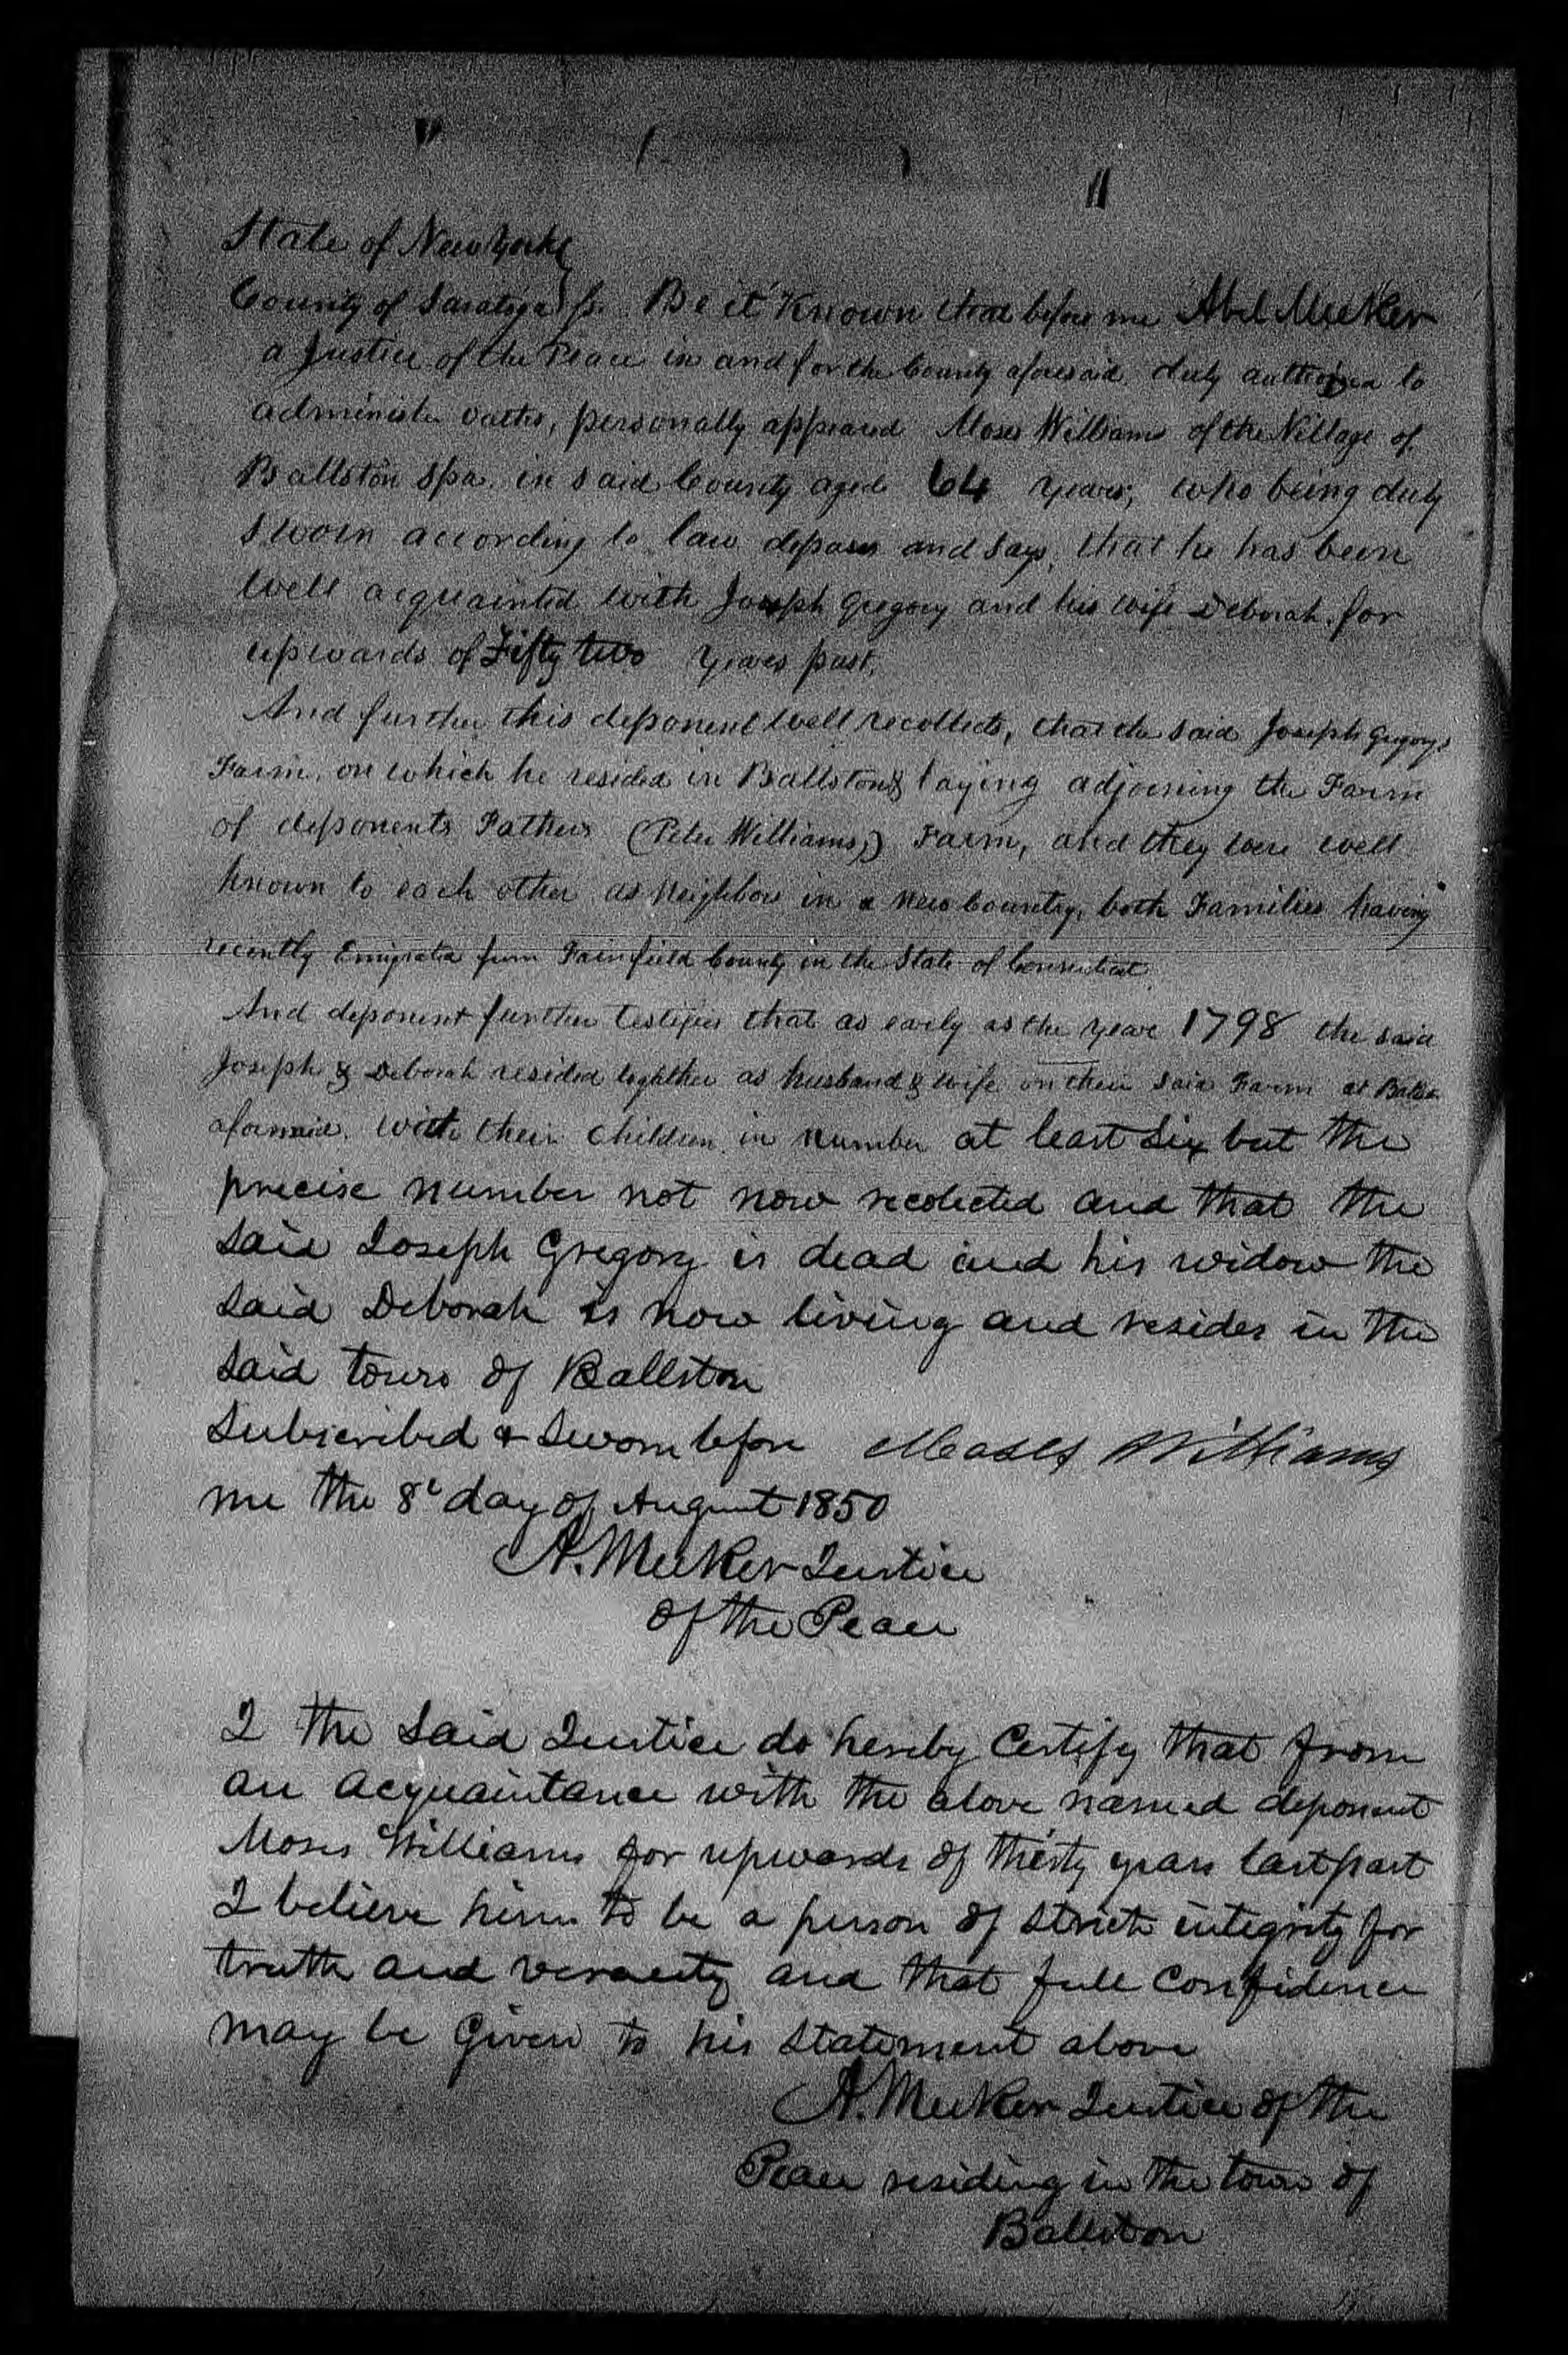State of New York
County of Saratoga Ss. Be it known that before me Abel Meeker a Justice of the Peace in and for the county aforesaid duly authorized to administer oaths, personally appeared Moses Williams of the Village of Ballston Spa, in said county aged 64 years; who being duly sworn according to law deposes and says, that he has been well acquainted with Joseph Gregory and his wife Deborah for upwards of fifty two years past.
And further this deponent well recollects that said Joseph Gregory's farm, on which he resided in Ballston laying adjoining the farm of deponent's father (Peter Williams) farm, and they were well known to each other as neighbors in a new country, both families having recently emigrated from Fairfield County in the state of Connecticut.
And deponent further testifies that as early as the year 1798 the said Joseph & Deborah resided together as husband & wife on their said farm at Ballston aforesaid, with their children in number at least six but the precise number not now recollected and that the said Joseph Gregory is dead and his widow the said Deborah is now living and resides in the said town of Ballston.
Subscribed & sworn before me the 8th day of August 1850. A. Meeker Justice of the Peace
Moses Williams

I the said Justice do hereby certify that from an acquaintance with the above named deponent Moses Williams for upwards of thirty years last past I believe him to be a person of strict integrity for truth and veracity and that full confidence may be given to his statement above.
A. Meeker Justice of the Peace residing in the town of Ballston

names: Deborah, Deborah, A Meeker, Deborah, Joseph Gregory, Joseph Gregory, A Meeker, Moses Williams, Joseph, Abel Meeker, Joseph Gregory, Moses Williams, Peter Williams, Moses Williams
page: 30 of 34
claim: widow's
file: W. 1596, Joseph Gregory, Conn.